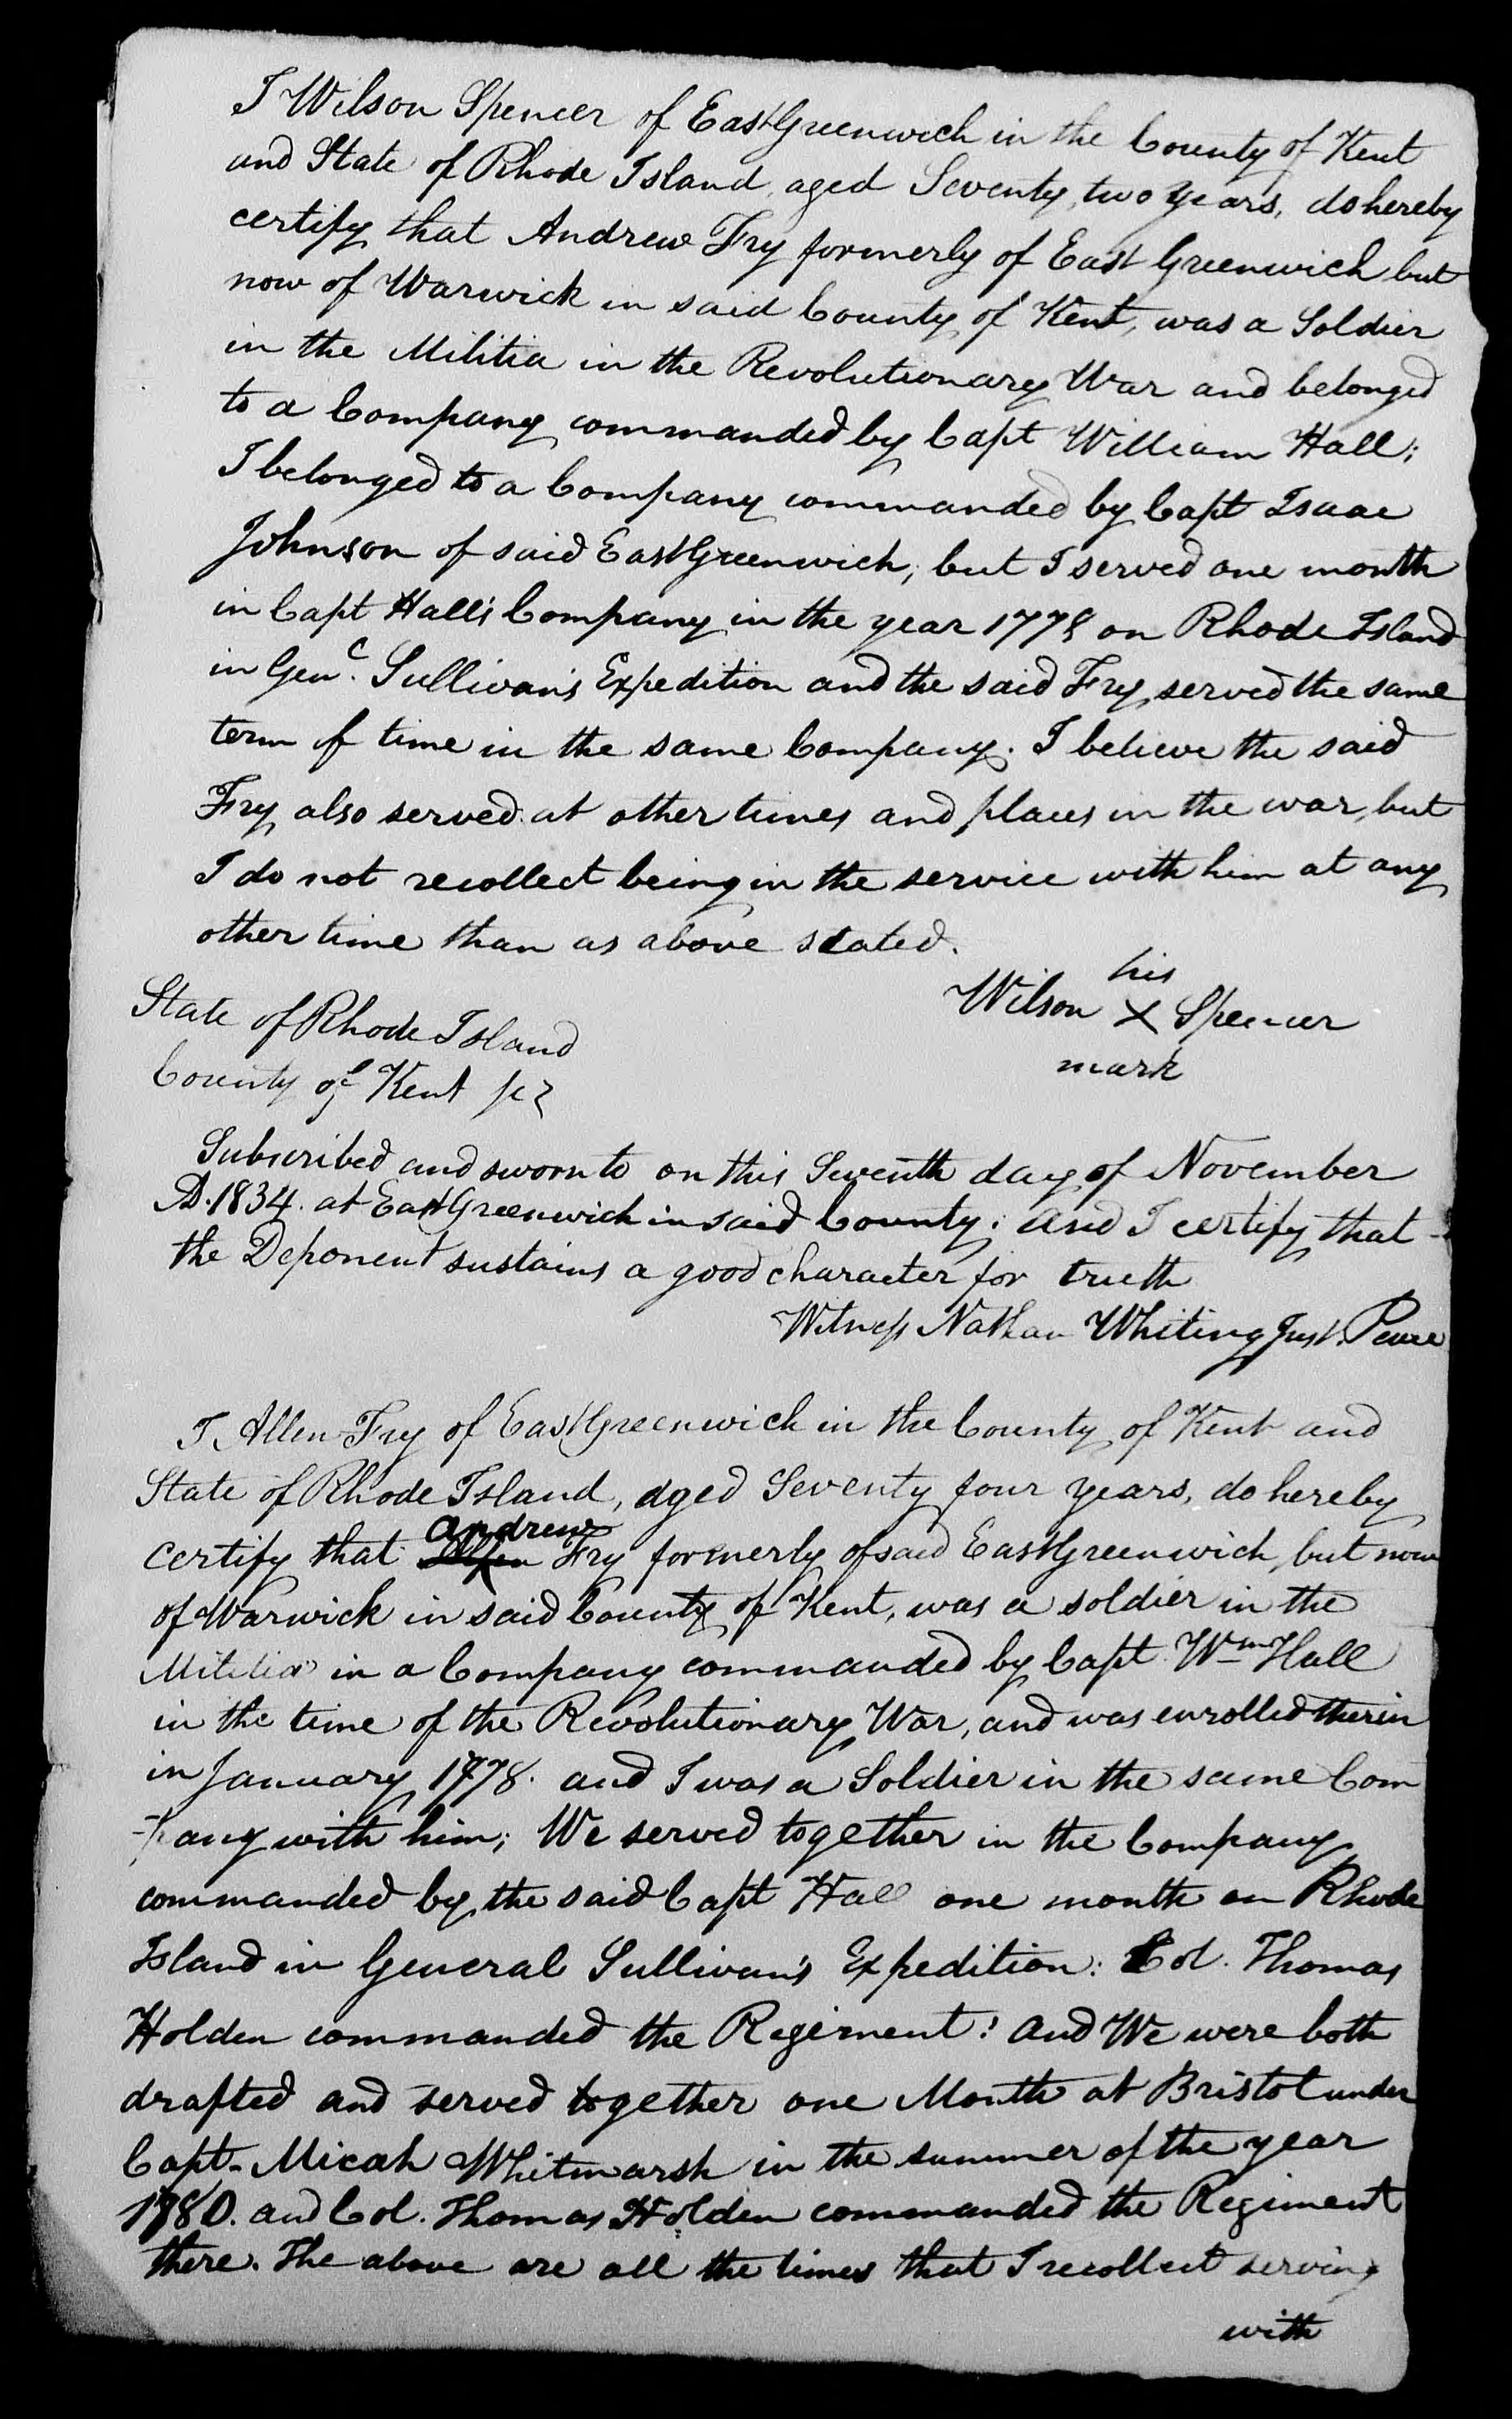I Wilson Spencer of East Greenwich in the County of Kent and State of Rhode Island aged seventy two years, do hereby certify that Andrew Fry formerly of East Greenwich but now of Warwick in said County of Kent, was a soldier in the militia in in the Revolutionary War and belonged to a company commanded by Capt William Hall. I belonged to a company commanded by Capt Isaac Johnson of said East Greenwich  but I served one month in Capt Hall's company in the year 1778 on Rhode Island in General C. Sullinvan's Expedition and the said Fry served the same term of time in the same company. I believe the said Fry also served at other times and places in the war, but I do not recollect being in the service with him at any other time than as above stated.

Wilson Spencer

State of Rhode Island County of Kent
Subscribed and sworn to on this seventh day of November 1834 at East Greenwich in said County and I certify that the deponent sustains a good character for truth
Witness Nathan Whiting Just Peace

I Allen Fry of East Greenwich is the County of Kent and the State of Rhode Island aged seventy four years, do hereby certify that Andrew Fry formerly of said East Greenwich but now of Warwick in said County of Kent was a soldier in the militia in a company commanded by Cap Wm Hall in the time of the Revolutionary War and was enrolled therein in January 1788 and I was a solider in the same company with him. We served together in the company commanded by the said Capt Hall one month on Rhode Island in General Sullivan's Expedition. Col Thomas Holden commanded the regiment and we were both drafted and served together one month at Bristol under Capt Micah Whitmarsh in the summer of the year 1880 and Col Thomas Holden commanded the regiment there. The above are all the times that I recollect serving with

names: Wm Hall, Thomas Holden, Allen Fry, Hall, Andrew Fry, Thomas Holden, Wilson Spencer, William Hall, Isaac Johnson, Fry, Wilson Spencer, Fry, Micah Whitmarsh, Andrew Fry, Nathan Whiting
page: 8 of 9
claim: survivor's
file: S. 21,760, Andrew Fry, R.I.